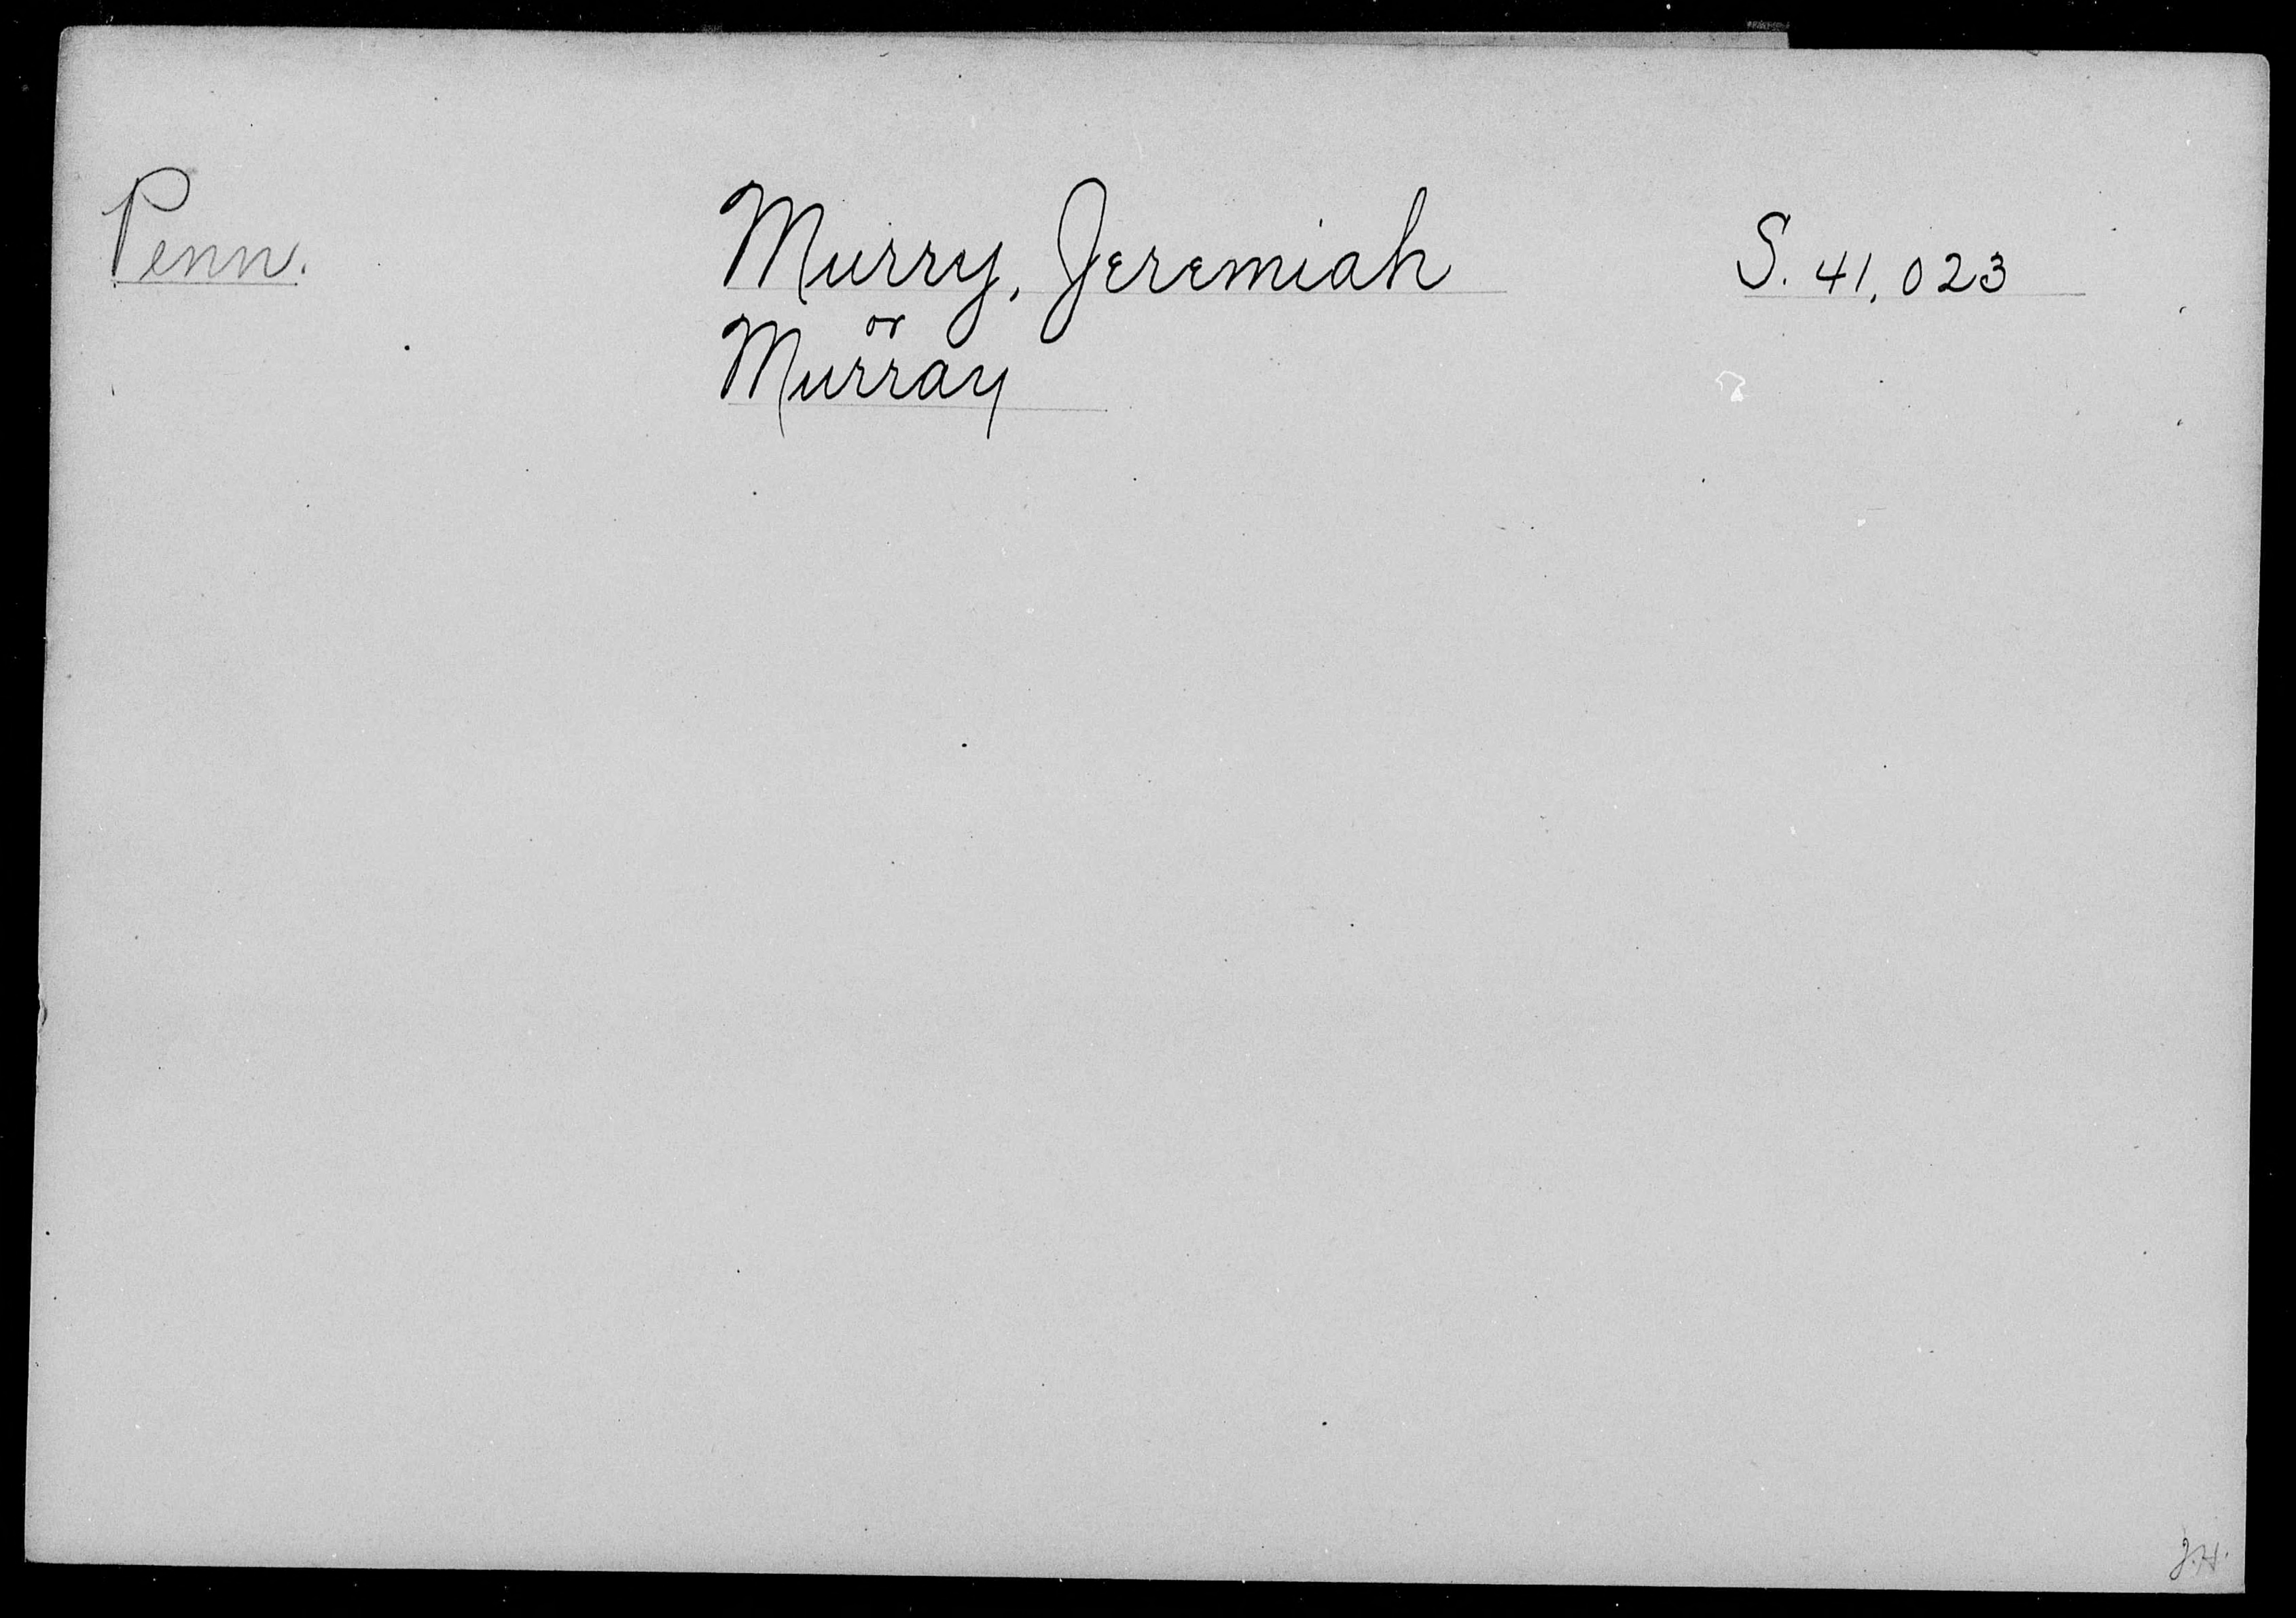Penn.  Murry or Murray Jeremiah 

S.41,023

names: Jeremiah Murray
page: 1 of 1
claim: survivor's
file: S. 41,023, for Jeremiah Murry, Pennsylvania